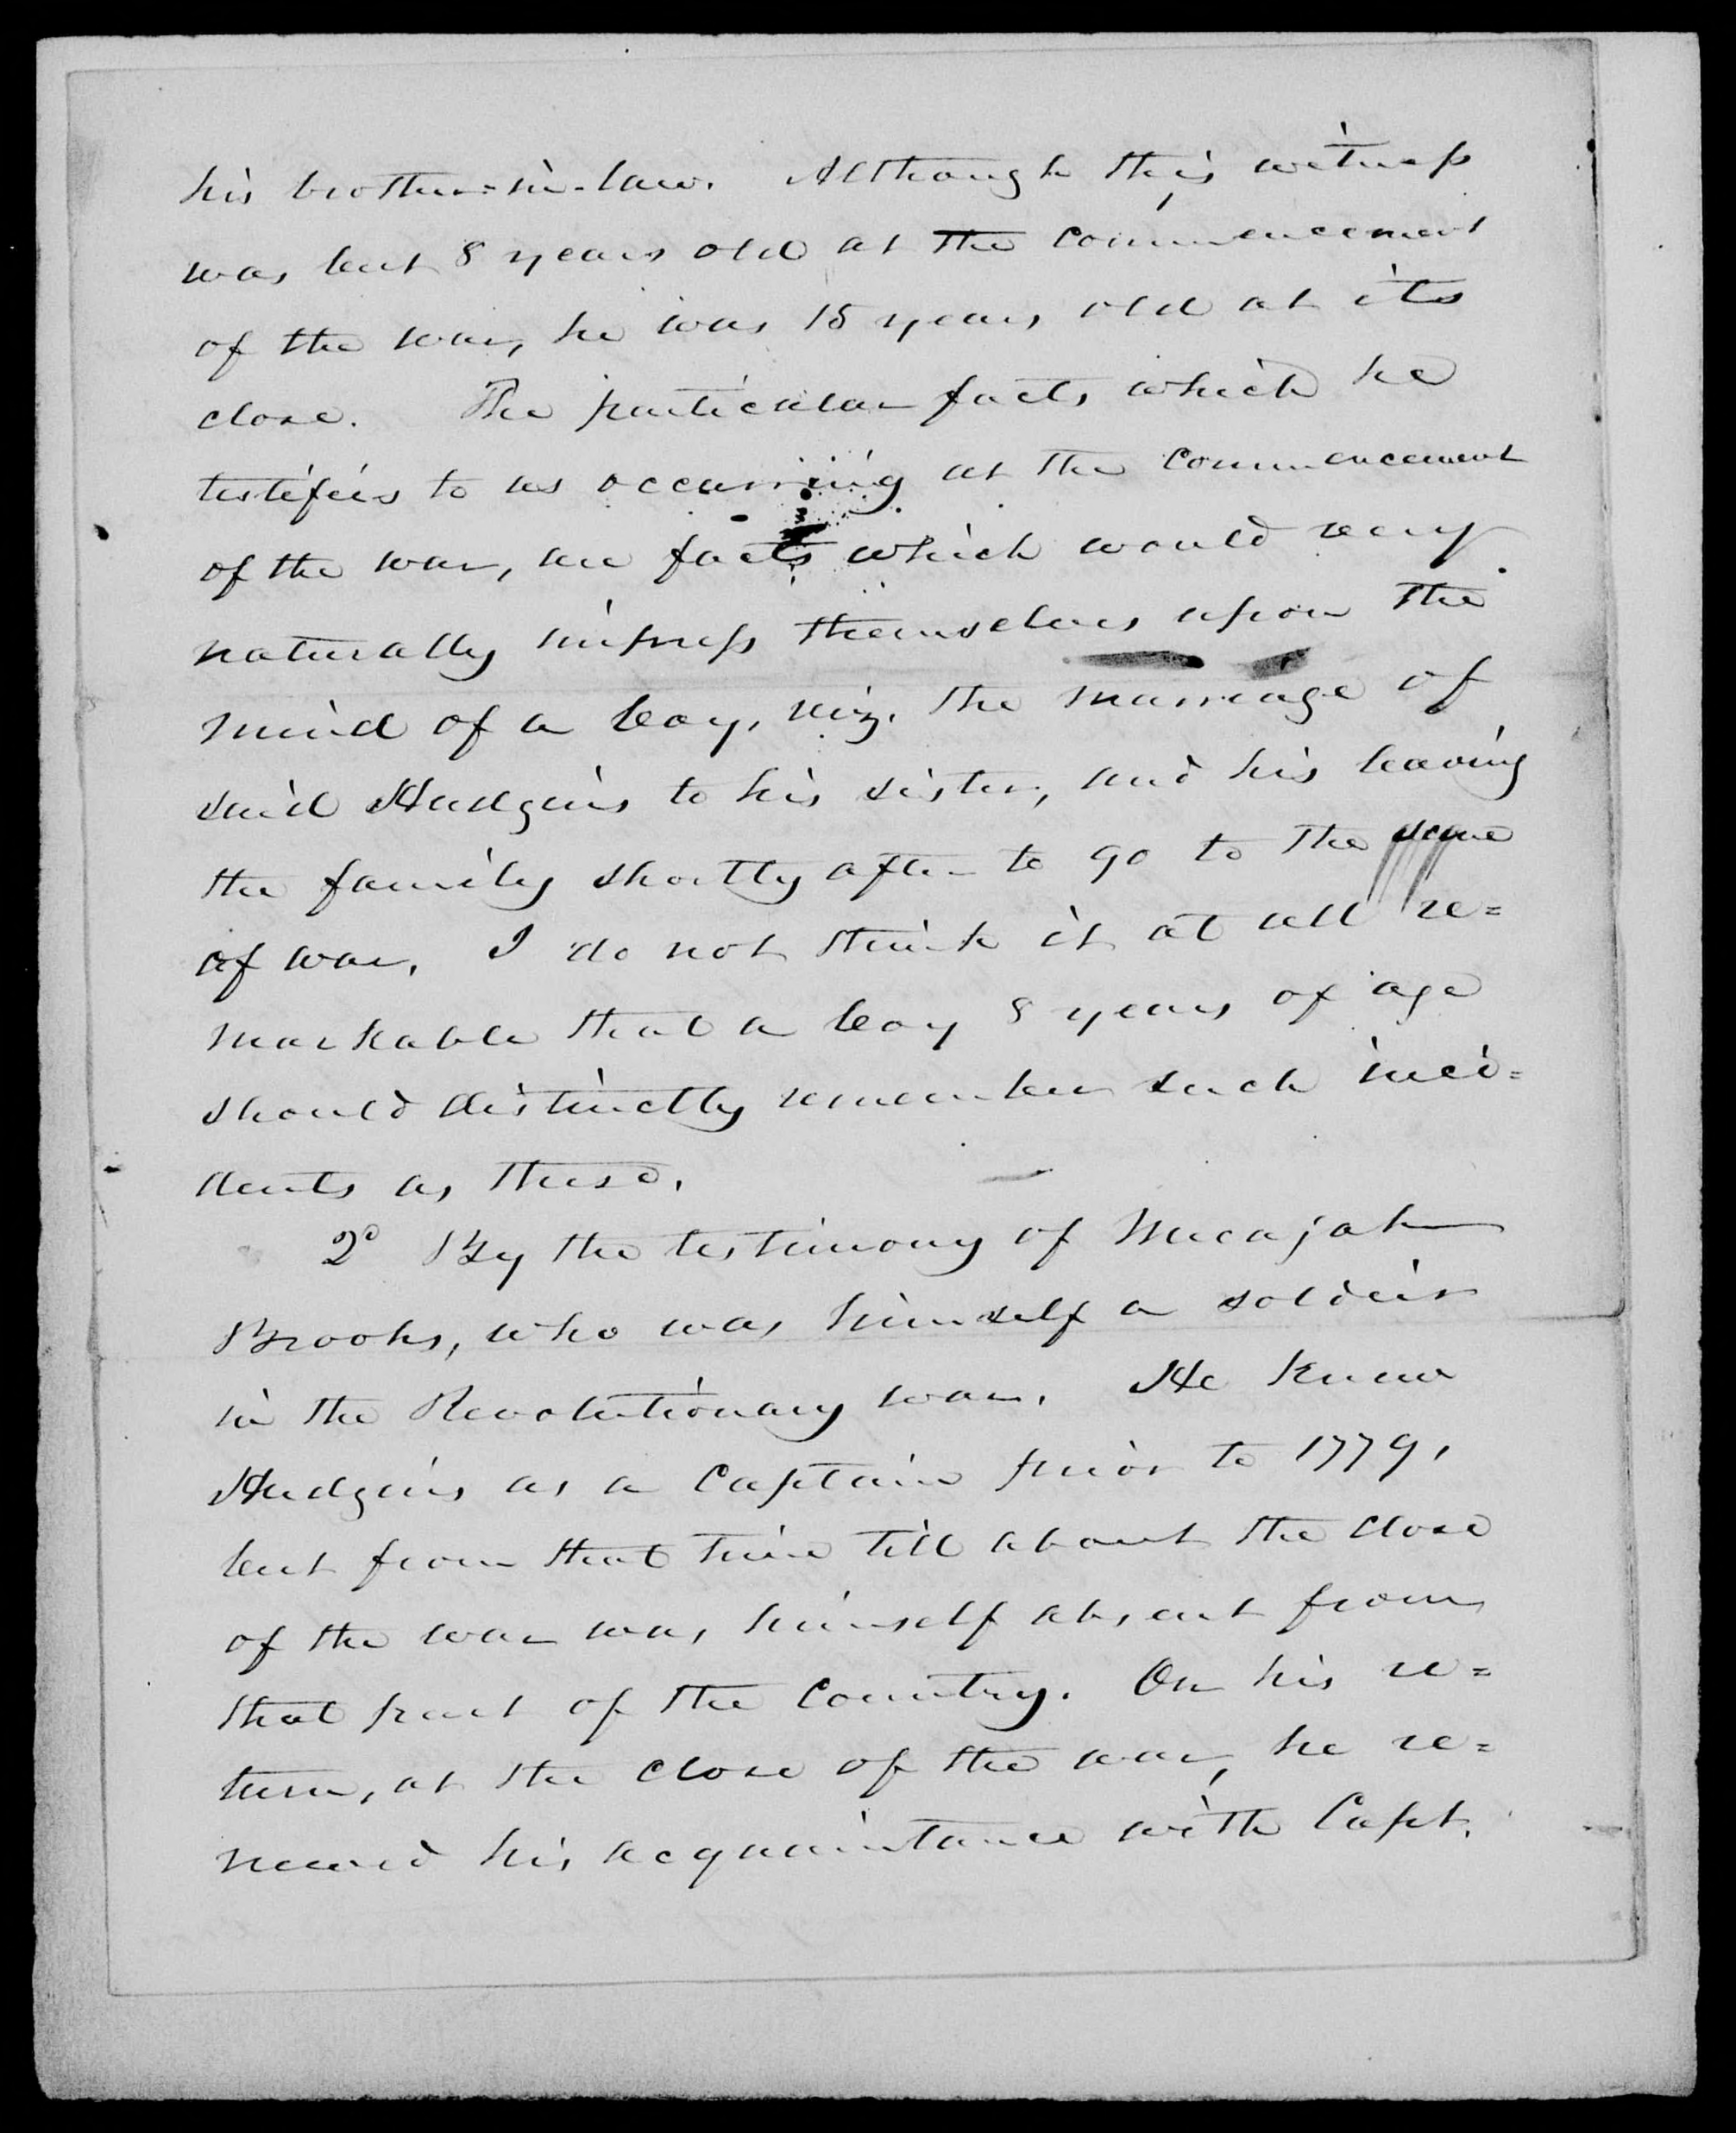his brother-in-law. Although this witness was but 8 years old at the commencement of the war, he was 15 years old at its close. the particular facts which he testifies to is occurring at the commencement of the war, the facts which would very naturally impress themselves upon the Justice of a bay witnessing the marriage of said Hudgins to his sister, and his leaving the family shortly after to go to the service of war. I do not () it at all remarkable that a boy 8 years of age should distinctly remember such incidents as these. 
By the testimony of Micajah Brooks, who was himself a soldier in the Revolutionary War. He knew Hudgins as a Captain prior to 1779 but from that time till about the close of the war was himself absent from that part of the country. On his return at the close of the war, he received his acquaintances with Capt.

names: Hudgins, Micajah Brooks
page: 93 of 108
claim: rejected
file: R. 7,515, John Hudgins, N.C.